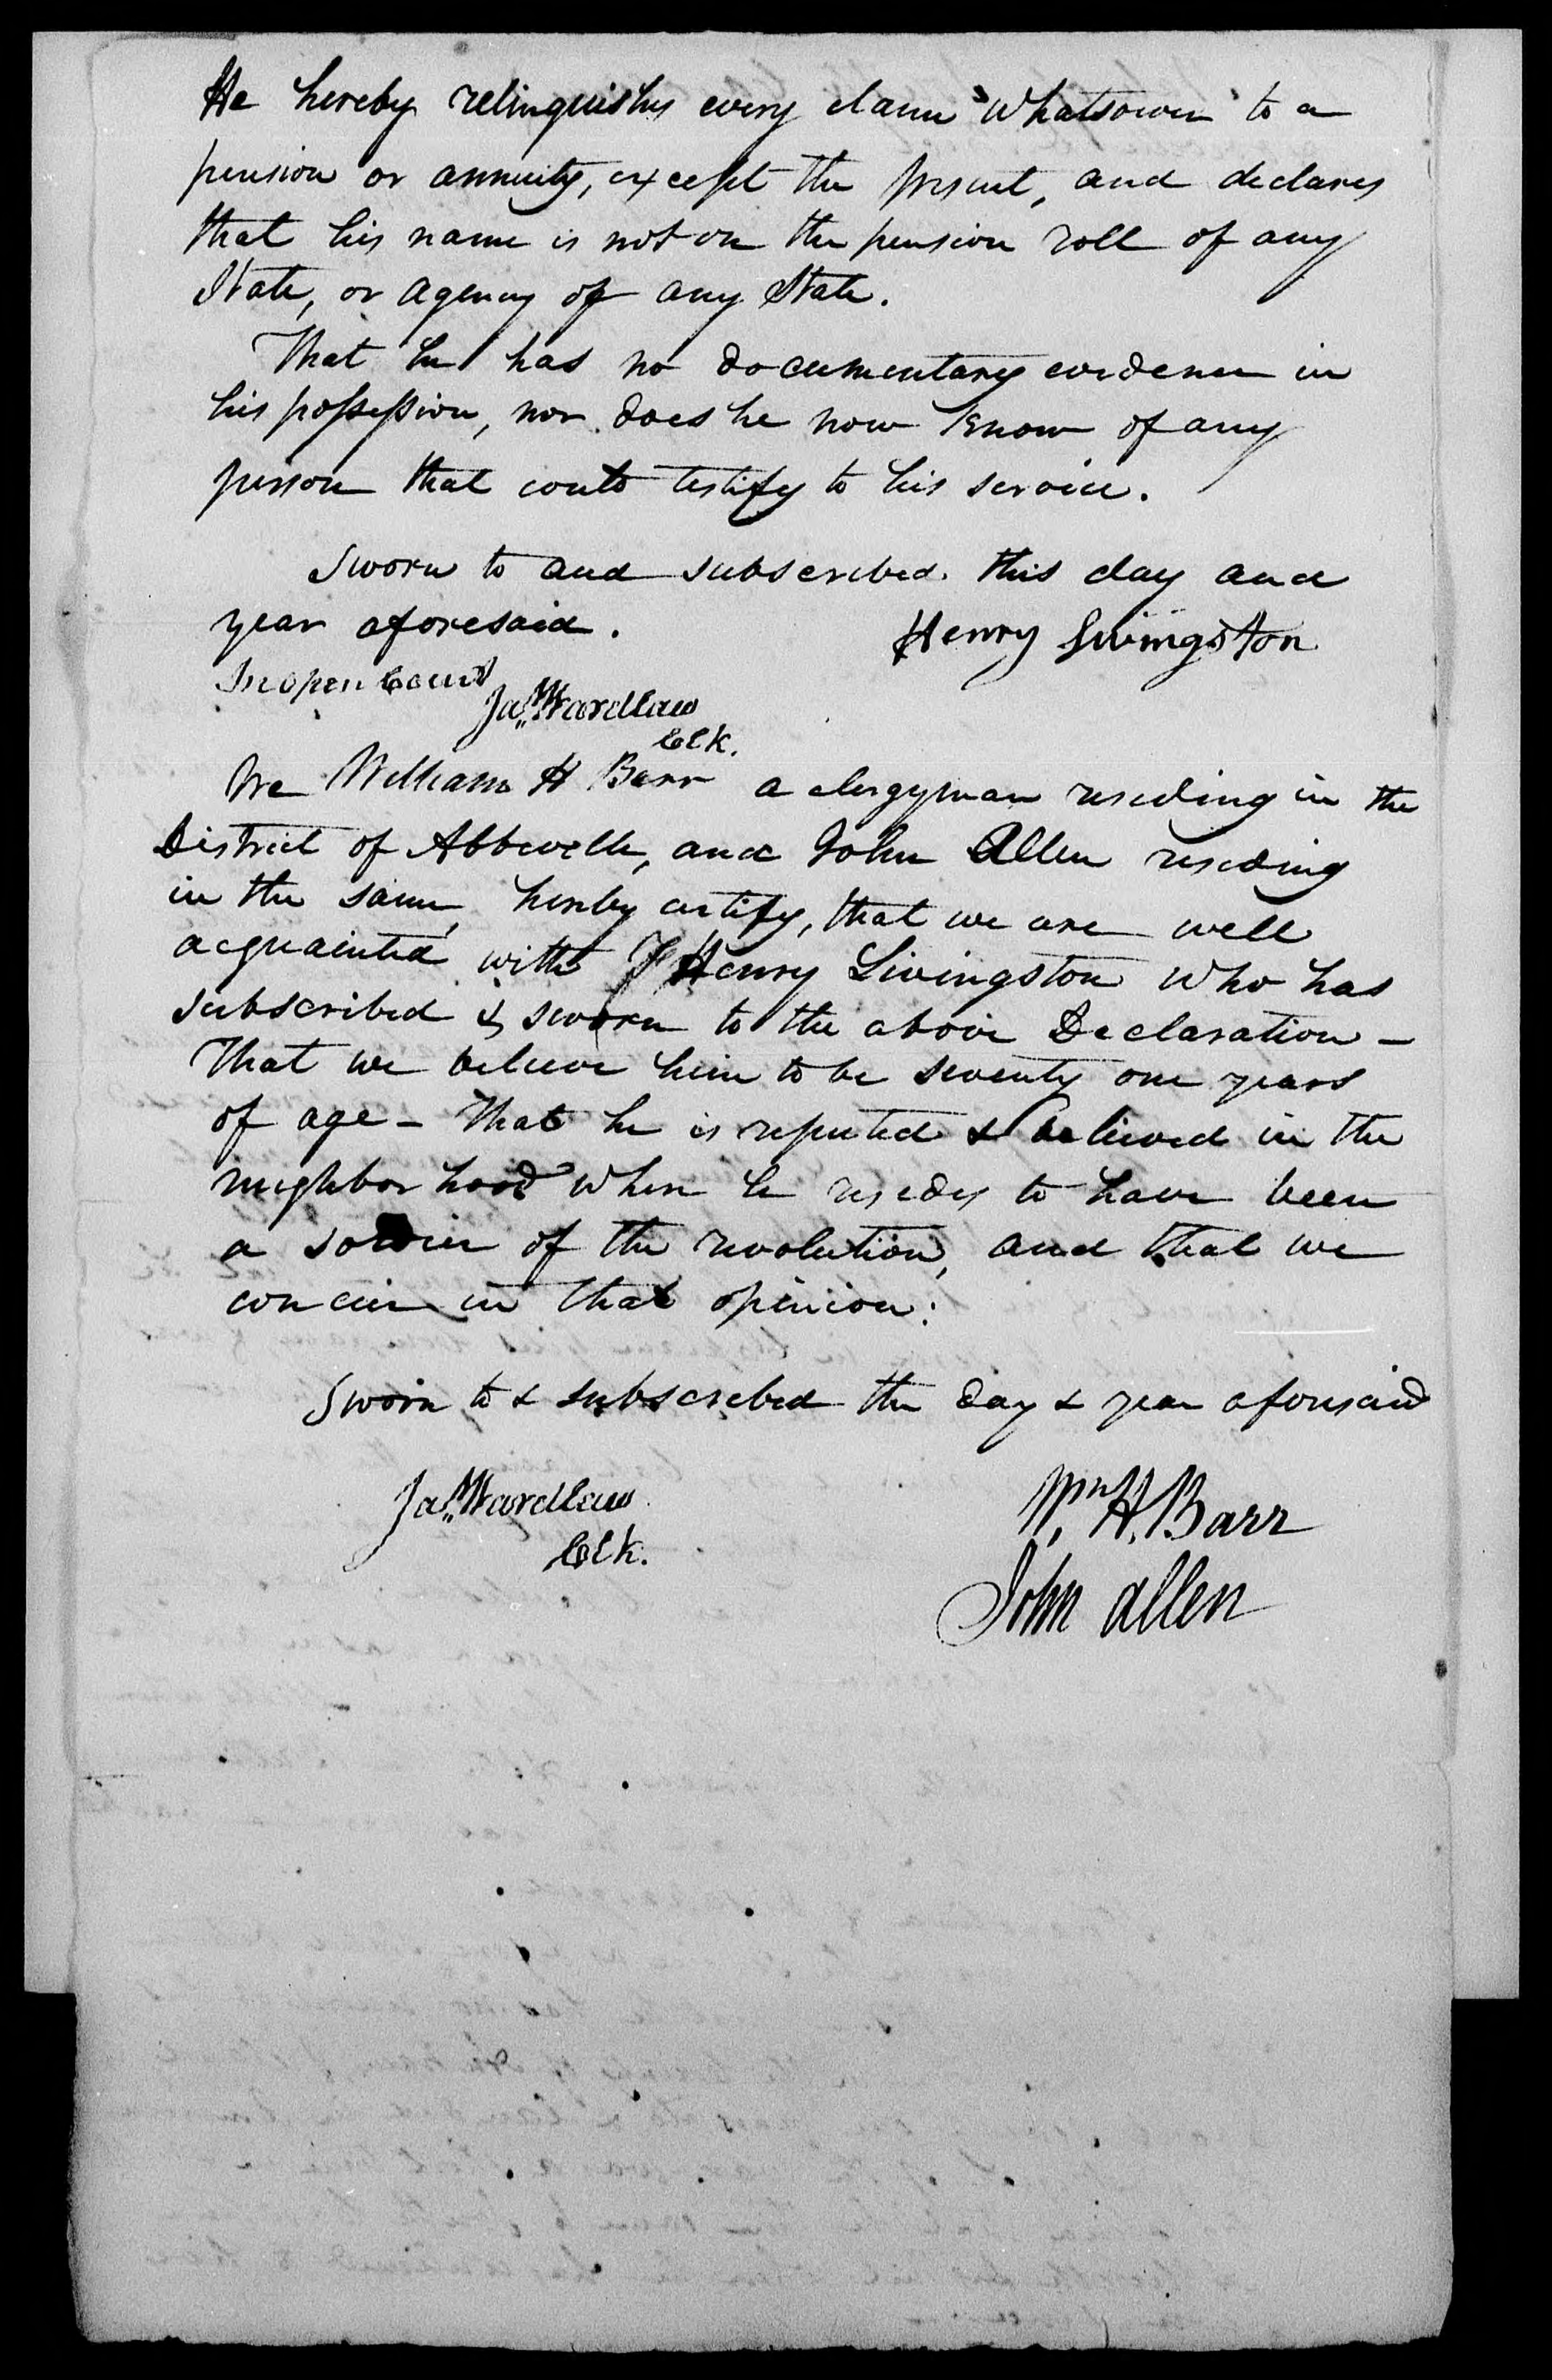He hereby relinquishes every claim whatsoever to a pension or annuity, except the present, and declares that his name is not on the pension roll of any State, or agency of any State.

That he has no documentary evidence in his possession, nor does he now know of any person that could testify to his service.

Sworn to and subscribed this day and year aforesaid.
In open Court

Henry Livingston
Jas Wardlaw
Clk.

We William H Barr a clergyman residing in the District of Abbeville and John Allen residing in the same hereby certify, that we are well acquainted with Henry Livingston who has subscribed & sworn to the above declaration - that we believe him to be seventy one years of age - That he is reputed & believed in the neighborhood where he resides to have been a soldier of the revolution, and that we concur in that opinion.

Sworn to & subscribed the day & year aforesaid
Ja. Wardlew
Clk.

Wm H. Barr
John Allen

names: John Allen; Jas Wardlaw; Henry Livingston; William H Barr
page: 9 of 63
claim: widow's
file: W. 8,049, for Henry Livingston, North Carolina